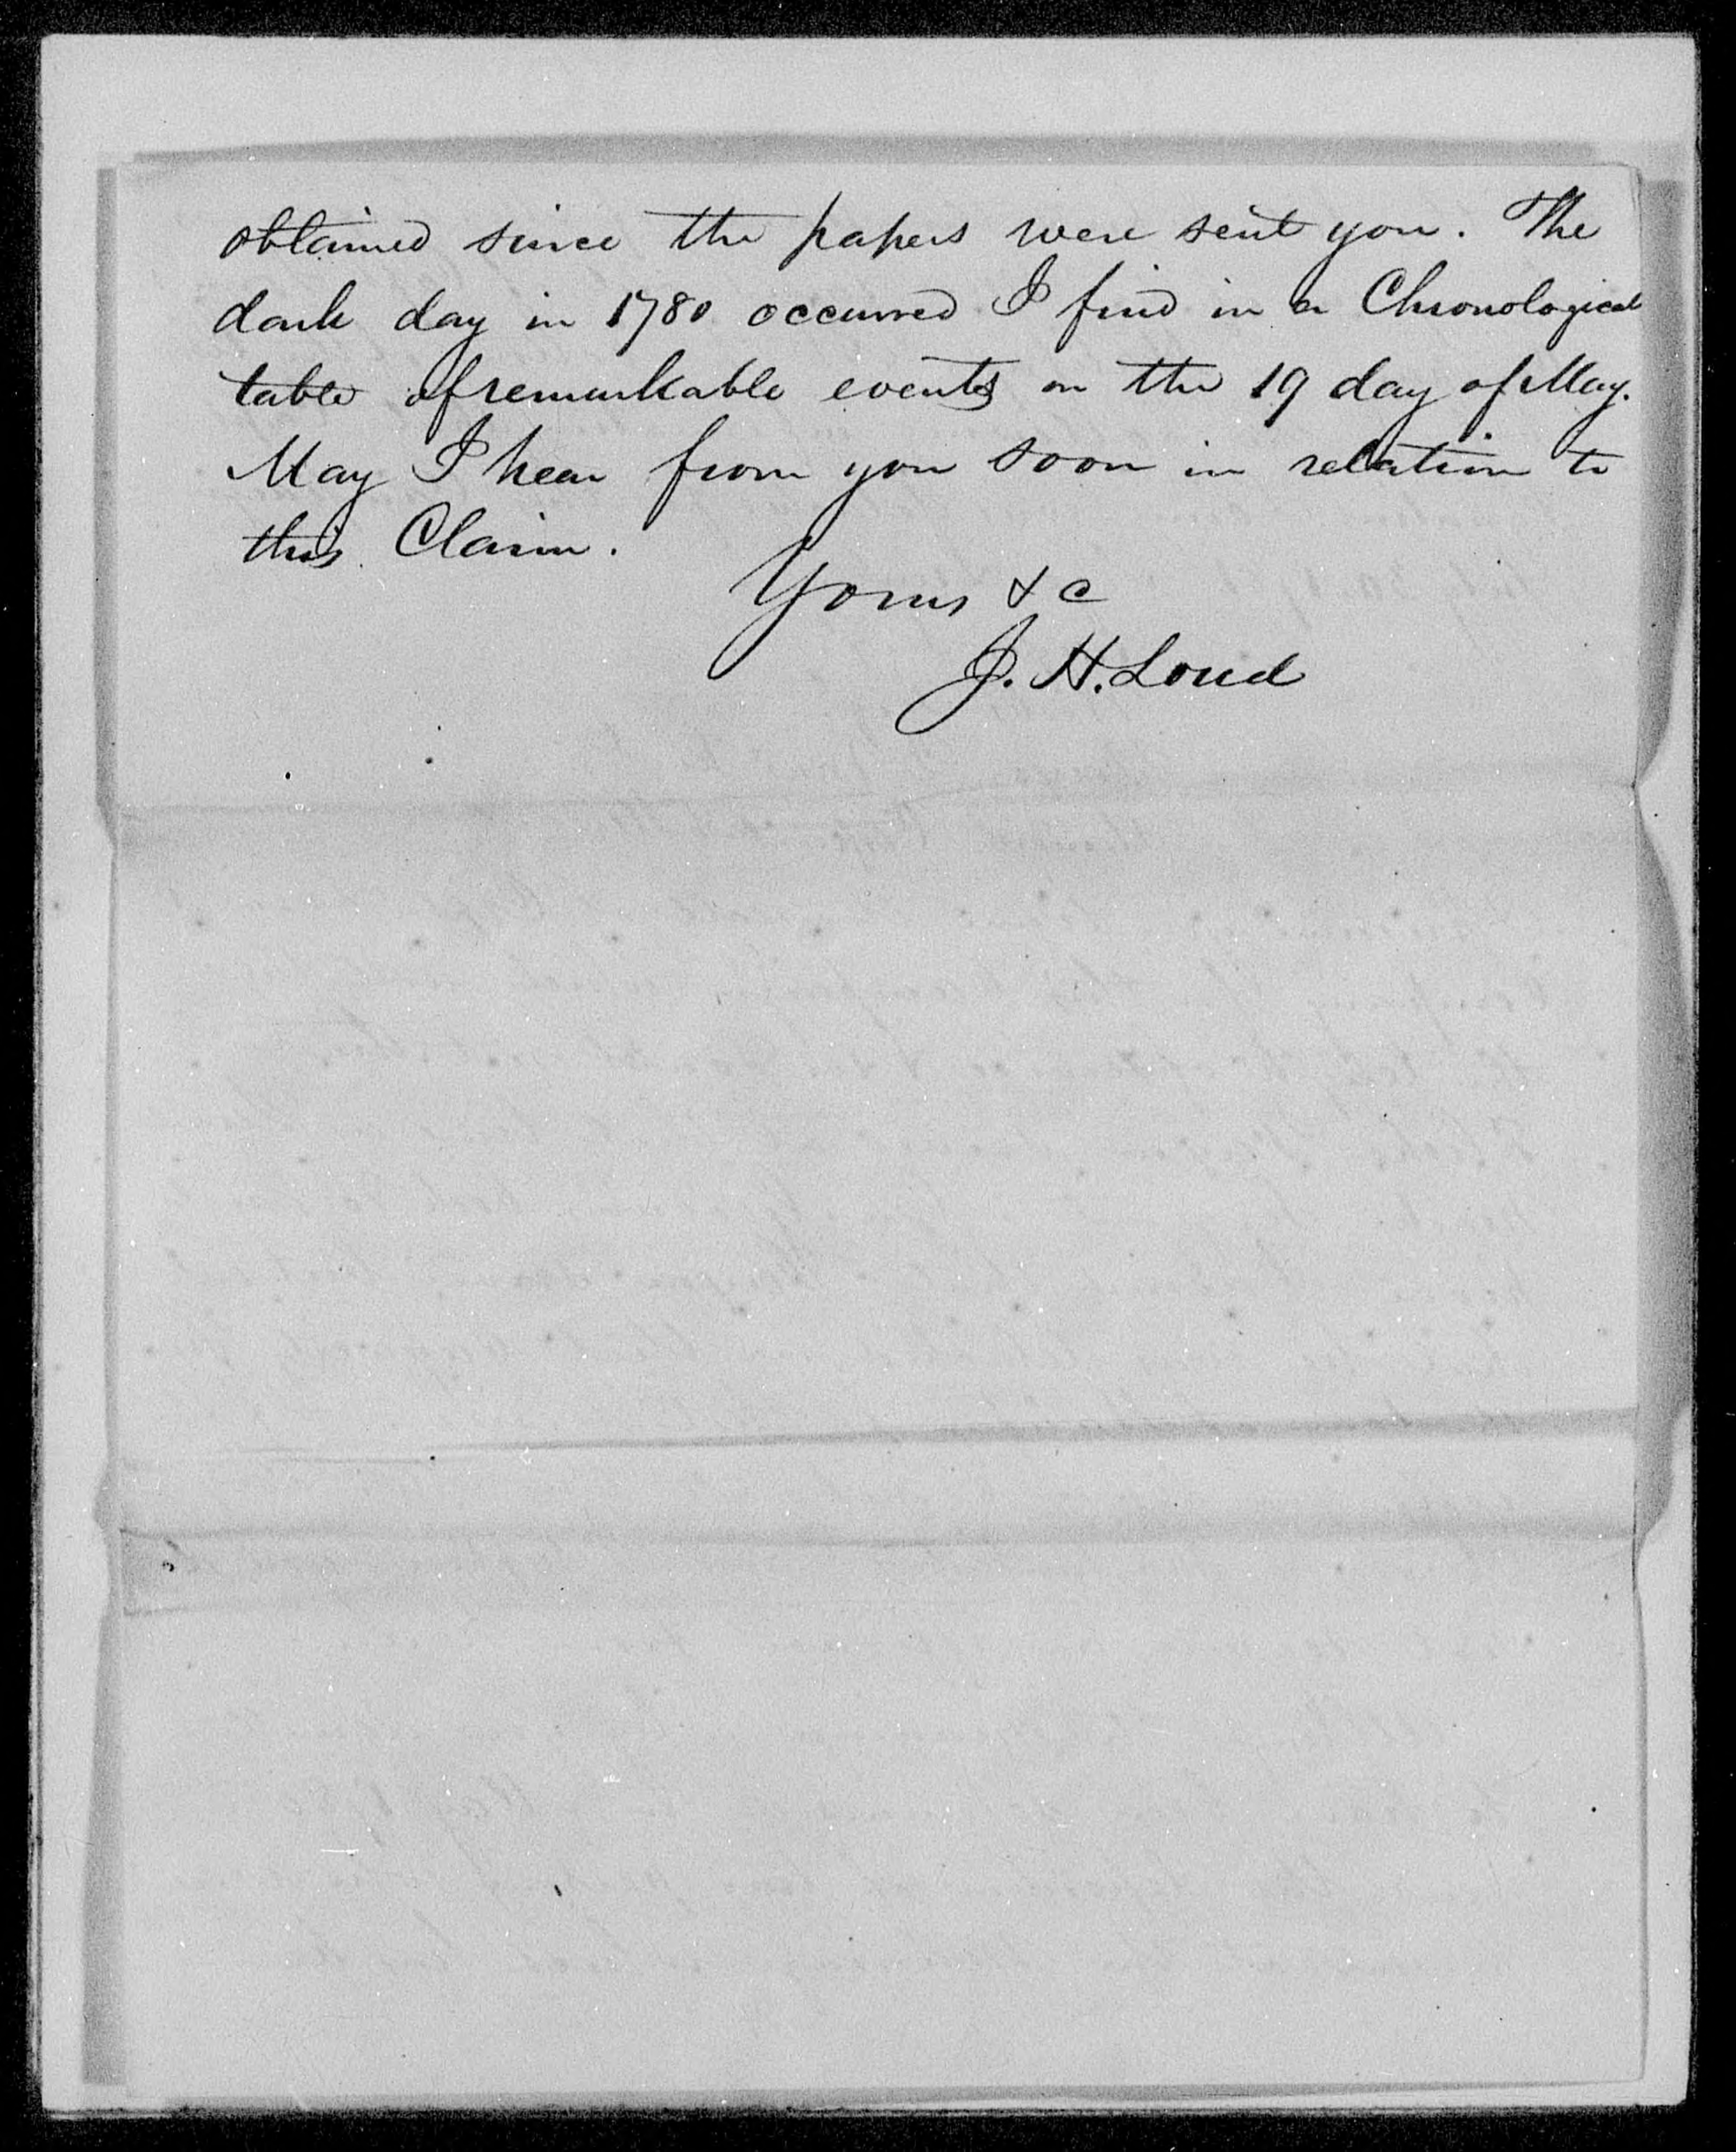obtained since the papers were sent you. The dark day in 1780 occurred I find in a Chronological table of remarkable events on the 19 day of May. May I hear from you soon in relation to this claim.
Yours and (illegible)
J. H. Loud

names: J H Loud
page: 45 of 47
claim: widow's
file: W. 14703, Elisha Faxon, Mass